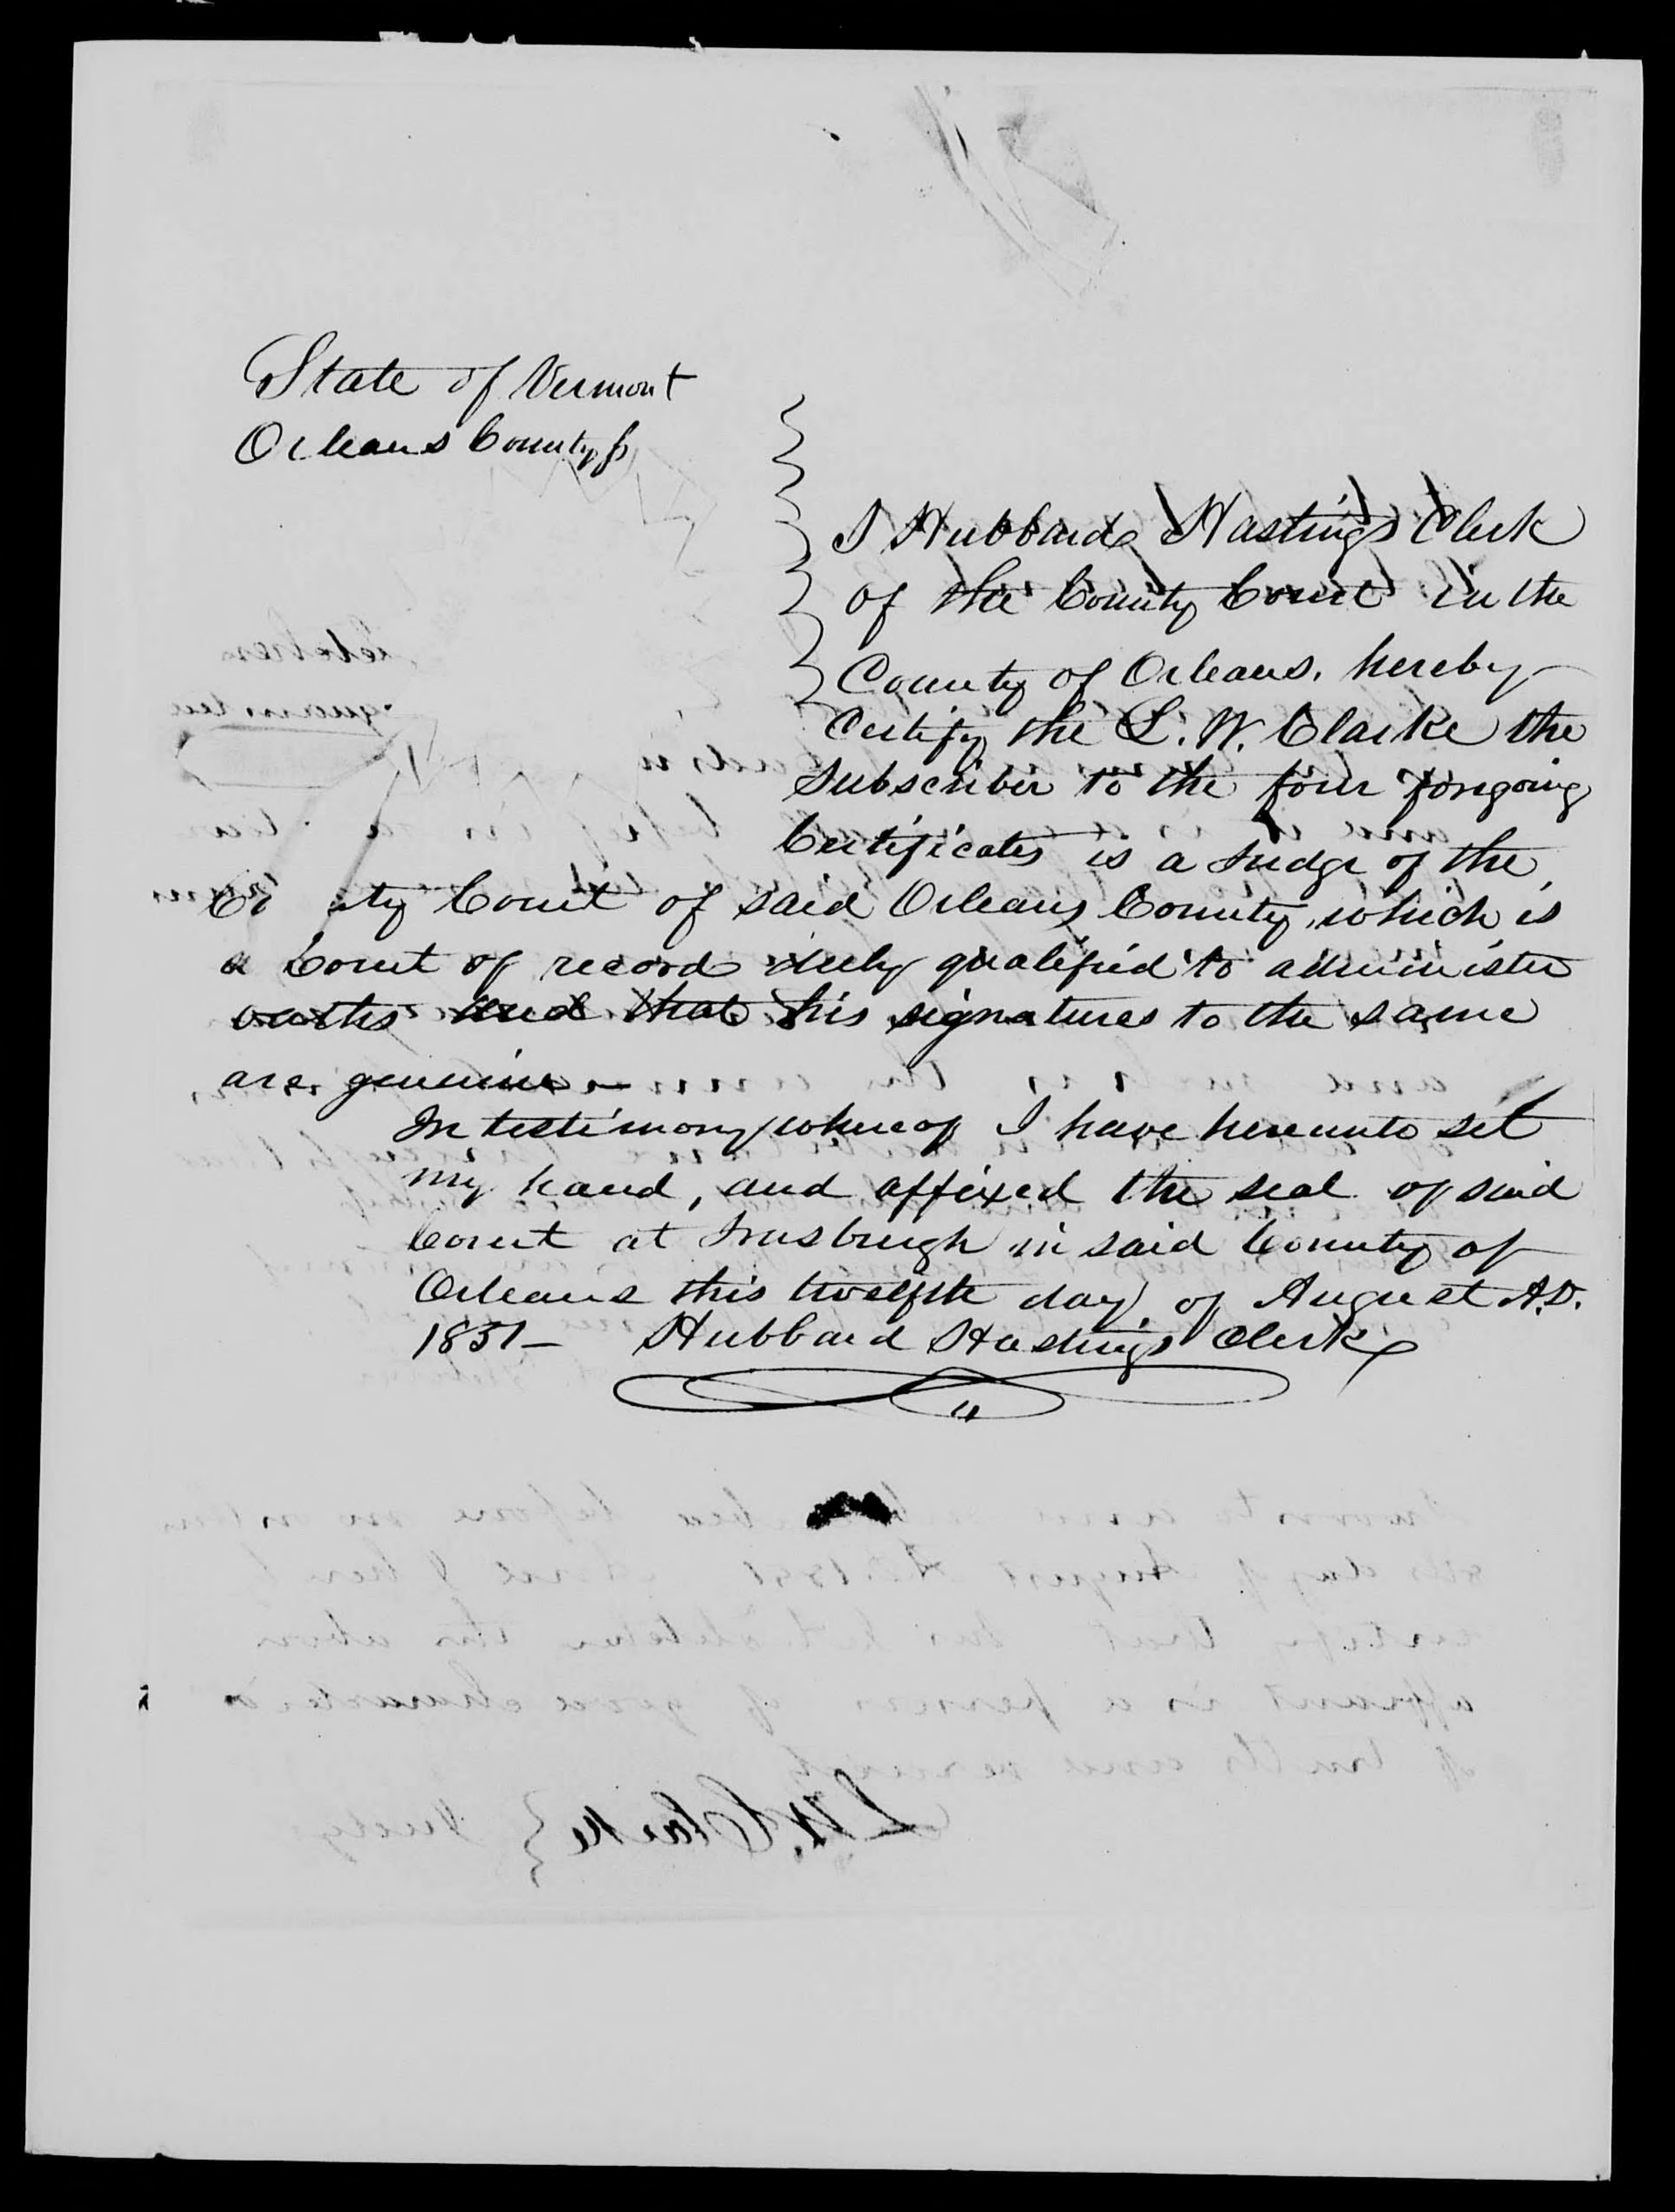State of Vermont
Orleans County
I Hubbard Hastings Clerk of the County Court in the County of Orleans, hereby certify that L. W. Clarke the subscriber to the four foregoing certificates is a Judge of the County Court of said Orleans County which is a Court of record duly qualified to administer oaths and that his signatures to the same are genuine.
In testimony whereof I have hereunto set my hand, and affixed the seal of said Court at Innsbruck in said County of Orleans this twelfth day of August A.D. 1851- Hubbard Hastings  Clerk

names: L W Clarke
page: 10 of 27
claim: rejected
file: R. 865, Napthala Bishop, Vt.